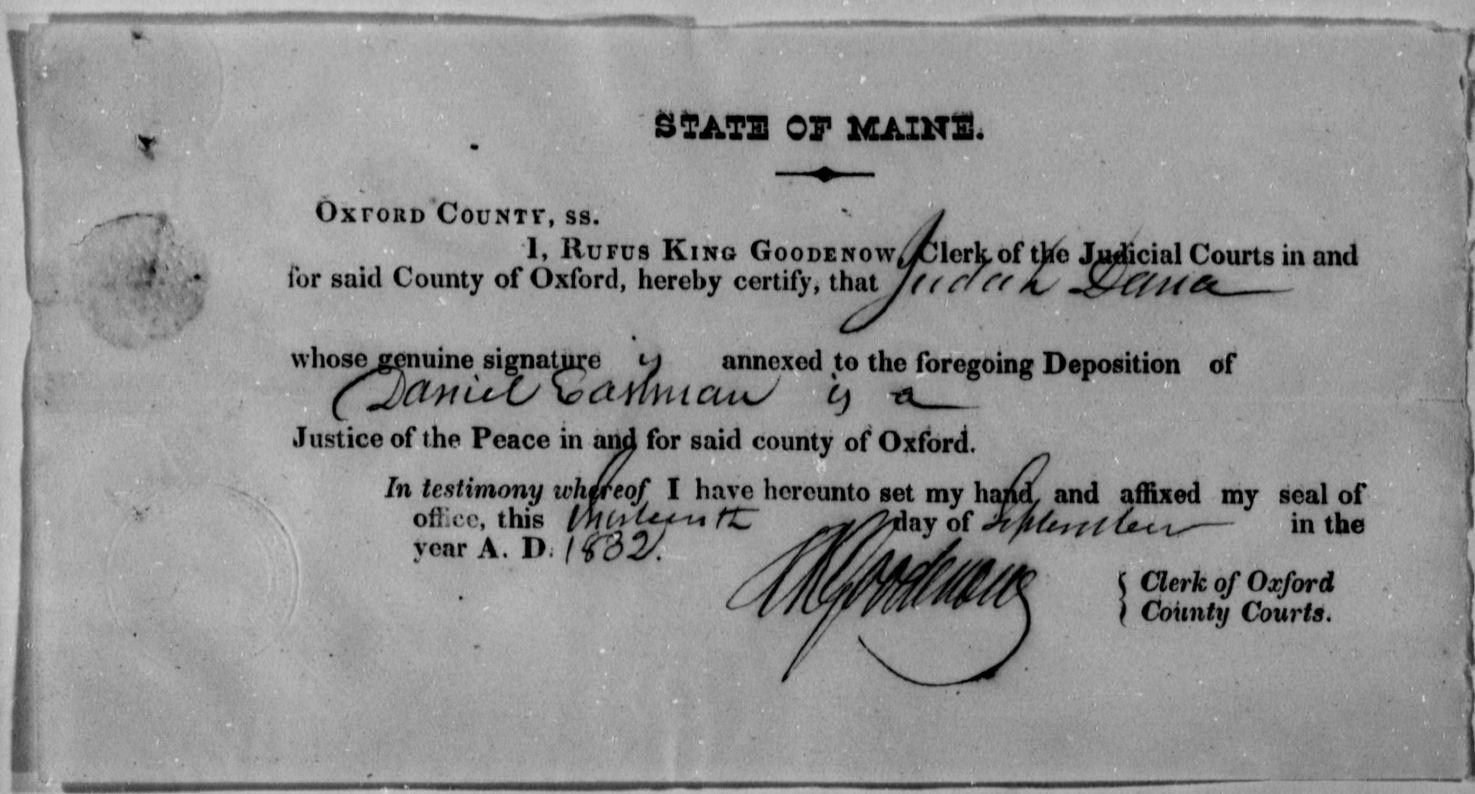[Three Illegible seals embossed on left side of page]
STATE OF MAINE.
OXFORD COUNTY, SS.
I, RUFUS KING GOODENOW, Clerk of the Judicial Courts in and
for said County of Oxford, hereby certify, that [signature] Judah Dana 
whose genuine signature is annexed to the foregoing Deposition of Daniel Eastman
Justice of the Peace in and for said county of Oxford.
In testimony whereof, I have hereunto set my hand, and affixed my seal of
office, this thirteenth day of September in the
year A.D. 1832.

[illegible signature]
Clerk of Oxford
County Courts.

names: R K Goodman, Judah Dana, Daniel Eastman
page: 31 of 86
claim: survivor's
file: S 29,568, Isaac Abbot, Mass